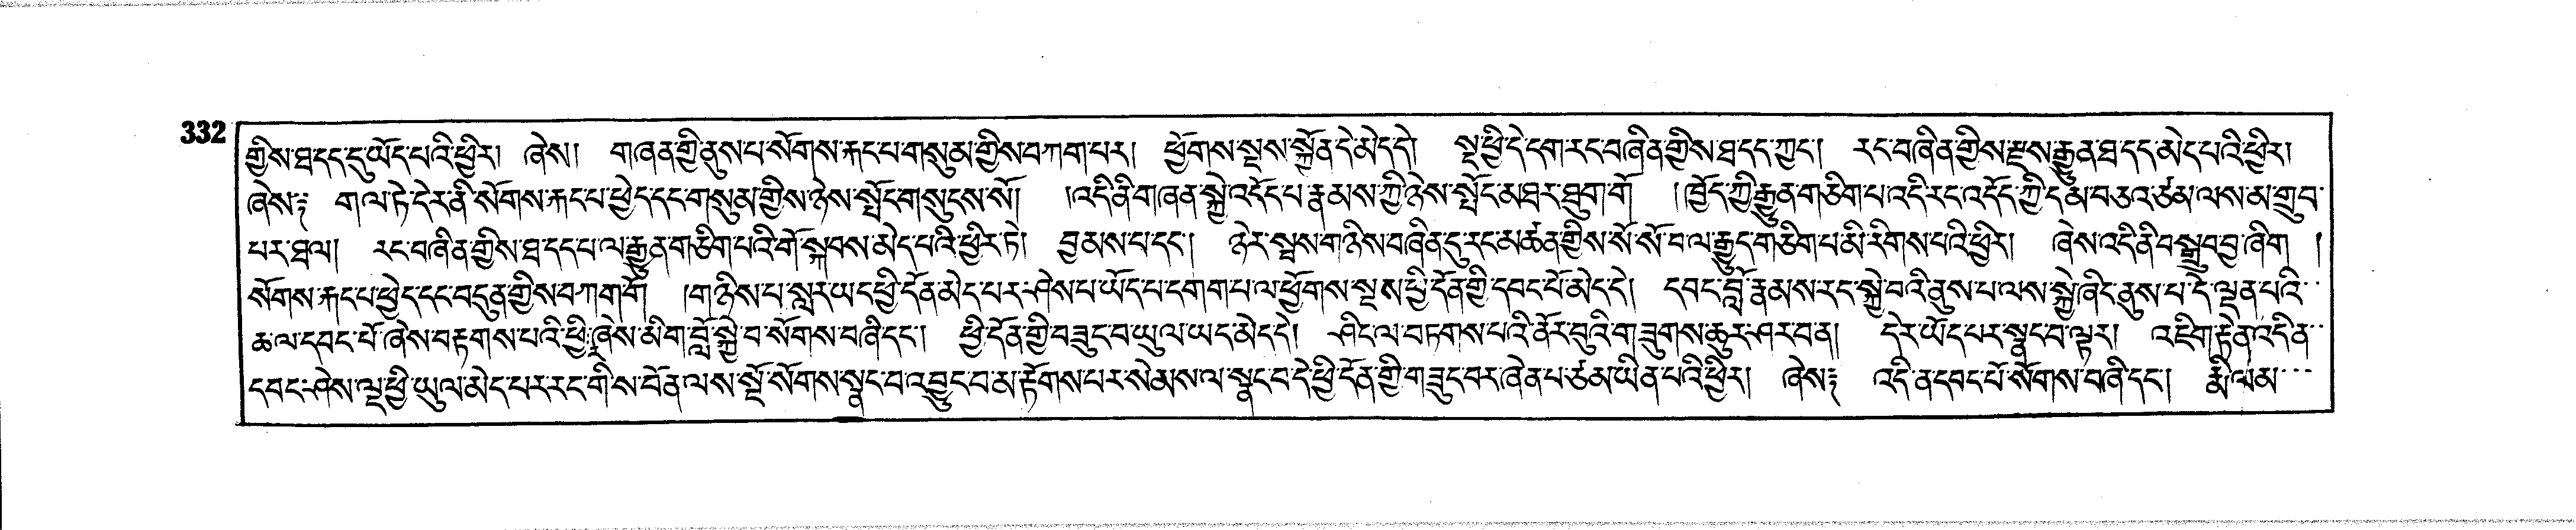གྱིས་ཐ་དད་དུ་ཡོད་པའི་ཕྱིར། ཞེས། གཞན་གྱི་ནུས་པ་སོགས་རྐང་པ་གསུམ་གྱིས་བཀག་པར། ཕྱོགས་སྔས་སྐྱོན་དེ་མེད་དེ། སྔ་ཕྱི་དེ་དག་རང་བཞིན་གྱིས་ཐ་དད་ཀྱང་། རང་བཞིན་གྱིས་རྫས་རྒྱུན་ཐ་དད་མེད་པའི་ཕྱིར།
ཞེས༑ གལ་ཏེ་དེར་ནི་སོགས་རྐང་པ་ཕྱེད་དང་གསུམ་གྱིས་ཉེས་སྤོང་གསུངས་སོ། །འདི་ནི་གཞན་སྐྱེ་འདོད་པ་རྣམས་ཀྱི་ཉེས་སྤོང་མཐར་ཐུག་གོ །ཁྱོད་ཀྱི་རྒྱུན་གཅིག་པ་འདི་རང་འདོད་ཀྱི་དམ་བཅའ་ཙམ་ལས་མ་གྲུབ་
པར་ཐལ། རང་བཞིན་གྱིས་ཐ་དད་པ་ལ་རྒྱུན་གཅིག་པའི་གོ་སྐབས་མེད་པའི་ཕྱིར་ཏེ། བྱམས་པ་དང་། ཉེར་སྦས་གཉིས་བཞིན་དུ་རང་མཚན་གྱིས་སོ་སོ་བ་ལ་རྒྱུད་གཅིག་པ་མི་རིགས་པའི་ཕྱིར། ཞེས་འདི་ནི་བསྒྲུབ་བྱ་ཞིག །
སོགས་རྐང་པ་ཕྱེད་དང་བདུན་གྱིས་བཀག་གོ །གཉིས་པ་སླར་ཡང་ཕྱི་དོན་མེད་པར་ཤེས་པ་ཡོད་པ་དགག་པ་ལ་ཕྱོགས་སྔས་ཕྱི་དོན་གྱི་དབང་པོ་མེད་དེ། དབང་བློ་རྣམས་རང་སྐྱེ་བའི་ནུས་པ་ལས་སྐྱེ་བའི་ནུས་པ་ལས་སྐྱེ་ཞིང་ནུས་པ་དེ་ལྡན་པའི་
ཆ་ལ་དབང་པོ་ཞེས་བརྟགས་པའི་ཕྱིར་ཞེས་མིག་བློ་སྐྱེ་བ་སོགས་བཞི་དང་། ཕྱི་དོན་གྱི་བཟུང་བ་ཡུལ་ཡང་མེད་དེ། ཤིང་ལ་བཏགས་པའི་ནོར་བུའི་གཟུགས་ཆུར་ཤར་བ་ན། དེར་ཡོད་པར་སྣང་བ་ལྟར། འཇིག་རྟེན་འདི་ན་
དབང་ཤེས་ལྔ་ཕྱི་ཡུལ་མེད་པར་རང་གི་ས་བོན་ལས་སྔོ་སོགས་སྣང་བ་འབྱུང་བ་མ་རྟོགས་པར་སེམས་ལ་སྣང་བ་དེ་ཕྱི་དོན་གྱི་གཟུང་བར་ཞེན་པ་ཙམ་ཡིན་པའི་ཕྱིར། ཞེས༑ འདི་ན་དབང་པོ་སོགས་བཞི་དང་། རྨི་ལམ་